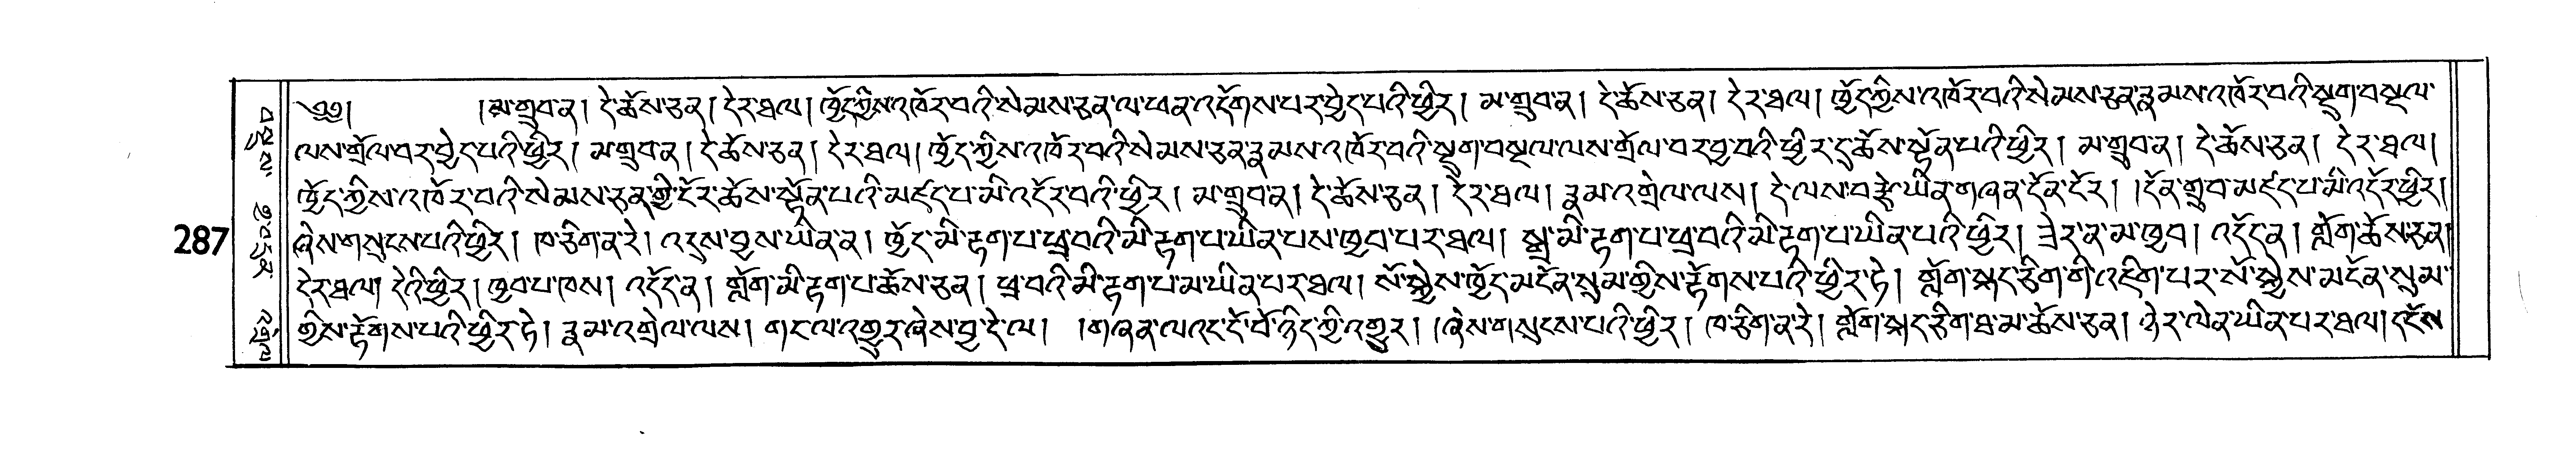༄༅། །མ་གྲུབ་ན། དེ་ཆོས་ཅན། དེར་ཐལ། ཁྱོད་ཀྱིས་འཁོར་བའི་སེམས་ཅན་ལ་ཕན་འདོགས་པར་བྱེད་པའི་ཕྱིར། མ་གྲུབ་ན། དེ་ཆོས་ཅན། དེར་ཐལ། ཁྱོད་ཀྱིས་འཁོར་བའི་སེམས་ཅན་རྣམས་འཁོར་བའི་སྡུག་བསྔལ་
ལས་གྲོལ་བར་བྱེད་པའི་ཕྱིར། མ་གྲུབ་ན། དེ་ཆོས་ཅན། དེར་ཐལ། ཁྱོད་ཀྱིས་འཁོར་བའི་སེམས་ཅན་རྣམས་འཁོར་བའི་སྡུག་བསྔལ་ལས་གྲོལ་བར་བྱ་བའི་ཕྱིར་དུ་ཆོས་སྟོན་པའི་ཕྱིར། མ་གྲུབ་ན། དེ་ཆོས་ཅན། དེར་ཐལ།
ཁྱོད་ཀྱིས་འཁོར་བའི་སེམས་ཅན་གྱི་ངོར་ཆོས་སྟོན་པའི་མཛད་པ་མི་འདོར་བའི་ཕྱིར། མ་གྲུབ་ན། དེ་ཆོས་ཅན། དེར་ཐལ། རྣམ་འགྲེལ་ལས། དེ་ལས་བརྩེ་ཡིན་གཞན་དོན་ངོར། །དོན་གྲུབ་མཛད་པ་མི་འདོར་ཕྱིར།
ཞེས་གསུངས་པའི་ཕྱིར། ཁ་ཅིག་ན་རེ། འདུས་བྱས་ཡིན་ན། ཁྱོད་མི་རྟག་པ་ཕྲ་བའི་མི་རྟག་པ་ཡིན་པས་ཁྱབ་པར་ཐལ། སྒྲ་མི་རྟག་པ་ཕྲ་བའི་མི་རྟག་པ་ཡིན་པའི་ཕྱིར། ཟེར་ན་མ་ཁྱབ། འདོད་ན། གློག་ཆོས་ཅན།
དེར་ཐལ། དེའི་ཕྱིར། ཁྱབ་པ་ཁས། འདོད་ན། གློག་མི་རྟག་པ་ཆོས་ཅན། ཕྲ་བའི་མི་རྟག་པ་མ་ཡིན་པར་ཐལ། སོ་སྐྱེས་ཁྱོད་མངོན་སུམ་གྱིས་རྟོགས་པའི་ཕྱིར་ཏེ། གློག་སྐད་ཅིག་གི་འཇིག་པར་སོ་སྐྱེས་མངོན་སུམ་
གྱིས་རྟོགས་པའི་ཕྱིར་ཏེ། རྣམ་འགྲེལ་ལས། གང་ལ་འགྱུར་ཞེས་བྱ་དེ་ལ། །གཞན་ལའང་ངོ་བོ་ཉིད་ཀྱི་འགྱུར། །ཞེས་གསུངས་པའི་ཕྱིར། ཁ་ཅིག་ན་རེ། གློག་སྐད་ཅིག་ཐ་མ་ཆོས་ཅན། ཉེར་ལེན་ཡིན་པར་ཐལ། དངོས་